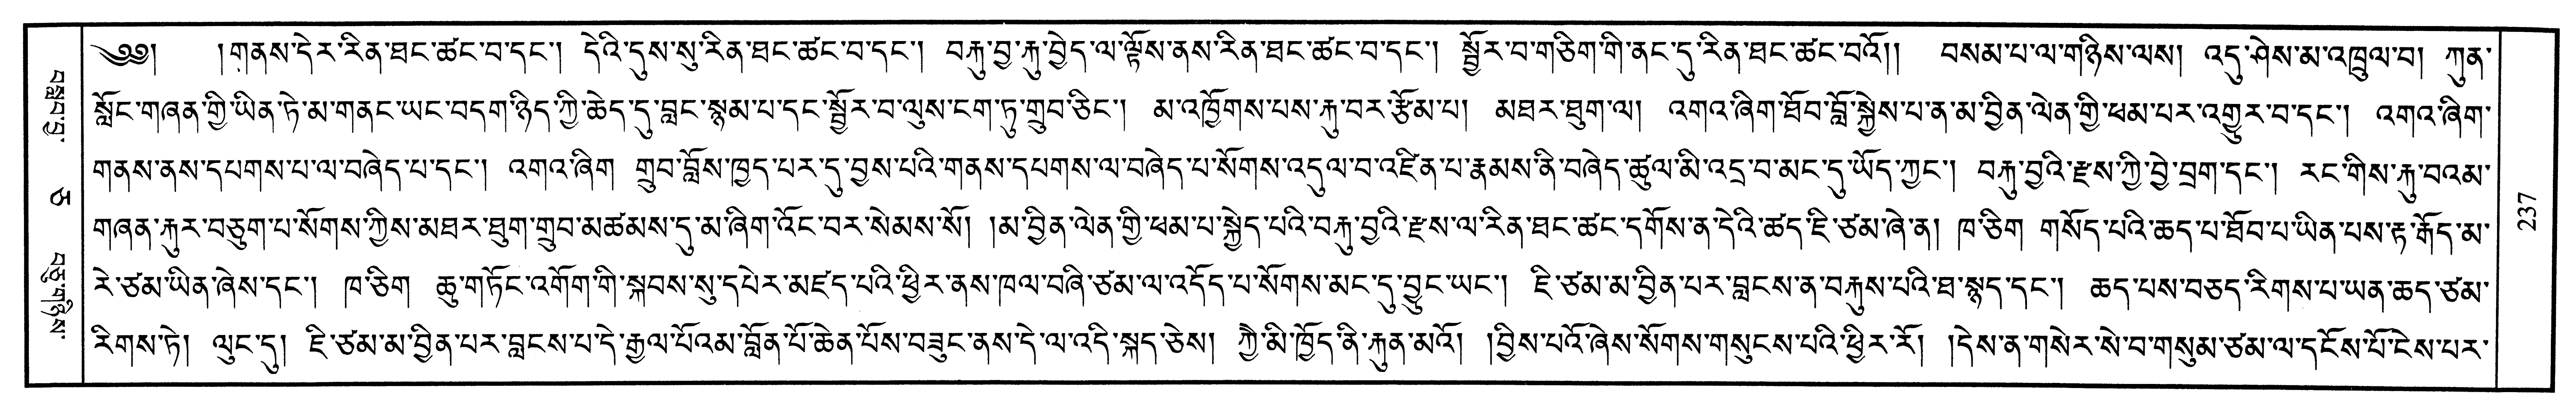༄༅། །གནས་དེར་རིན་ཐང་ཚང་བ་དང་། དེའི་དུས་སུ་རིན་ཐང་ཚང་བ་དང་། བརྐུ་བྱ་རྐུ་བྱེད་ལ་ལྟོས་ནས་རིན་ཐང་ཚང་བ་དང་། སྦྱོར་བ་གཅིག་གི་ནང་དུ་རིན་ཐང་ཚང་བའོ།། བསམ་པ་ལ་གཉིས་ལས། འདུ་ཤེས་མ་འཁྲུལ་བ། ཀུན་
སློང་གཞན་གྱི་ཡིན་ཏེ་མ་གནང་ཡང་བདག་ཉིད་ཀྱི་ཆེད་དུ་བླང་སྙམ་པ་དང་སྦྱོར་བ་ལུས་ངག་ཏུ་གྲུབ་ཅིང་། མ་འཁྱོགས་པས་རྐུ་བར་རྩོམ་པ། མཐར་ཐུག་ལ། འགའ་ཞིག་ཐོབ་བློ་སྐྱེས་པ་ན་མ་བྱིན་ལེན་གྱི་ཕམ་པར་འགྱུར་བ་དང་། འགའ་ཞིག་
གནས་ནས་དཔགས་པ་ལ་བཞེད་པ་དང་། འགའ་ཞིག །གྲུབ་བློས་ཁྱད་པར་དུ་བྱས་པའི་གནས་དཔགས་ལ་བཞེད་པ་སོགས་འདུལ་བ་འཛིན་པ་རྣམས་ནི་བཞེད་ཚུལ་མི་འདྲ་བ་མང་དུ་ཡོད་ཀྱང་། བརྐུ་བྱའི་རྫས་ཀྱི་བྱེ་བྲག་དང་། རང་གིས་རྐུ་བའམ་
གཞན་རྐུར་བཅུག་པ་སོགས་ཀྱིས་མཐར་ཐུག་གྲུབ་མཚམས་དུ་མ་ཞིག་འོང་བར་སེམས་སོ། །མ་བྱིན་ལེན་གྱི་ཕམ་པ་སྐྱེད་པའི་བརྐུ་བྱའི་རྫས་ལ་རིན་ཐང་ཚང་དགོས་ན་དེའི་ཚད་ཇི་ཙམ་ཞེ་ན། ཁ་ཅིག་གསོད་པའི་ཆད་པ་ཐོབ་པ་ཡིན་པས་རྟ་རྒོད་མ་
རེ་ཙམ་ཡིན་ཞེས་དང་། ཁ་ཅིག །ཆུ་གཏོང་འགོག་གི་སྐབས་སུ་དཔེར་མཛད་པའི་ཕྱིར་ནས་ཁལ་བཞི་ཙམ་ལ་འདོད་པ་སོགས་མང་དུ་བྱུང་ཡང་། ཇི་ཙམ་མ་བྱིན་པར་བླངས་ན་བརྐུས་པའི་ཐ་སྙད་དང་། ཆད་པས་བཅད་རིགས་པ་ཡན་ཆད་ཙམ་
རིགས་ཏེ། ལུང་དུ། ཇི་ཙམ་མ་བྱིན་པར་བླངས་པ་དེ་རྒྱལ་པོའམ་བློན་པོ་ཆེན་པོས་བཟུང་ནས་དེ་ལ་འདི་སྐད་ཅེས། ཀྱཻ་མི་ཁྱོད་ནི་རྐུན་མའོ། །བྱིས་པའོ་ཞེས་སོགས་གསུངས་པའི་ཕྱིར་རོ། །དེས་ན་གསེར་སེ་བ་གསུམ་ཙམ་ལ་དངོས་པོ་ངེས་པར་